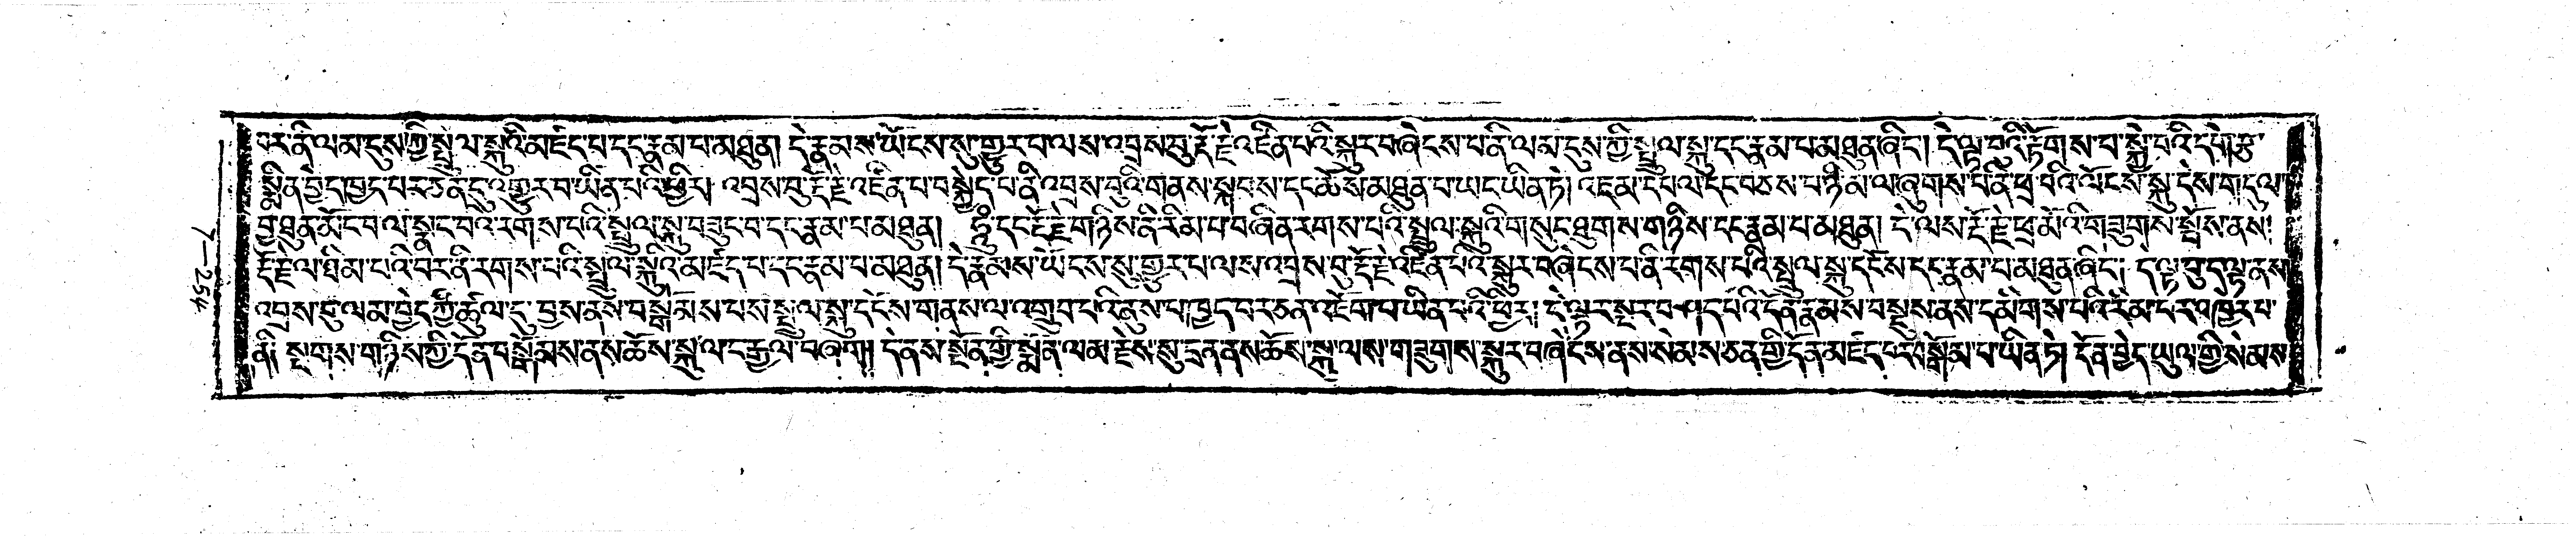བར་ནི་ལམ་དུས་ཀྱི་སྤྲུལ་སྐུའི་མཛད་པ་དང་རྣམ་པ་མཐུན། དེ་རྣམས་ཡོངས་སུ་གྱུར་པ་ལས་འབྲས་བུ་རྡོ་རྗེ་འཛིན་པའི་སྐུར་བཞེངས་པ་ནི་ལམ་དུས་ཀྱི་སྤྲུལ་སྐུ་དང་རྣམ་པ་མཐུན་ཞིང་། དེ་ལྟ་བུའི་རྟོགས་པ་སྐྱེ་བའི་དགེ་རྩ་
སྨིན་བྱེད་ཁྱད་པར་ཅན་དུ་འགྱུར་བ་ཡིན་པའི་ཕྱིར། འབྲས་བུ་རྡོ་རྗེ་འཛིན་པ་བསྐྱེད་པ་ནི་འབྲས་བུའི་གནས་སྐབས་དང་ཆོས་མཐུན་པ་ཡང་ཡིན་ཏེ། འཇམ་དཔལ་དང་བཅས་པ་ཉི་མ་ལ་ཞུགས་པ་ནི་ཕྲ་བའི་ལོངས་སྐུ་དེས་གདུལ་
བྱ་ཐུན་མོང་བ་ལ་སྣང་བའི་རགས་པའི་སྤྲུལ་སྐུ་བཟུང་བ་དང་རྣམ་པ་མཐུན། ཧཱུཾ་དང་རྡོ་རྗེ་གཉིས་ནི་རིམ་པ་བཞིན་རགས་པའི་སྤྲུལ་སྐུའི་གསུང་ཐུགས་གཉིས་དང་རྣམ་པ་མཐུན། དེ་ལས་རྡོ་རྗེ་ཕྲ་མོའི་གཟུགས་སྤོས་ནས།
རྡོ་རྗེ་ལ་ཐིམ་པའི་བར་ནི་རགས་པའི་སྤྲུལ་སྐུའི་མཛད་པ་དང་རྣམ་པ་མཐུན། དེ་རྣམས་ཡོངས་སུ་གྱུར་བ་ལས་འབྲས་བུ་རྡོ་རྗེ་འཛིན་པའི་སྐུར་བཞེངས་པ་ནི་རགས་པའི་སྤྲུལ་སྐུ་དངོས་དང་རྣམ་པ་མཐུན་ཞིང་། དེ་ལྟ་བུ་ད་ལྟ་ནས་
འབྲས་བུ་ལམ་བྱེད་ཀྱི་ཚུལ་དུ་བྱས་ནས་བསྒོམས་པས་སྤྲུལ་སྐུ་དངོས་གནས་ལ་འགྲུབ་པའི་ནུས་པ་ཁྱད་པར་ཅན་འཇོག་པ་ཡིན་པའི་ཕྱིར། དེ་ལྟར་སྔར་བཤད་པའི་དོན་རྣམས་བསྡུས་ནས་དམིགས་པའི་རིམ་པར་འཁྱེར་བ་
ནི༑ སྔགས་གཉིས་ཀྱི་དོན་བསྒོམས་ནས་ཆོས་སྐུ་ལ་ང་རྒྱལ་བཞག །དེ་ནས་སྔོན་གྱི་སྨོན་ལམ་རྗེས་སུ་དྲན་ནས་ཆོས་སྐུ་ལས་གཟུགས་སྐུར་བཞེངས་ནས་སེམས་ཅན་གྱི་དོན་མཛད་པར་བསྒོམ་པ་ཡིན་ཏེ། དོན་བྱེད་ཡུལ་གྱི་སེམས་